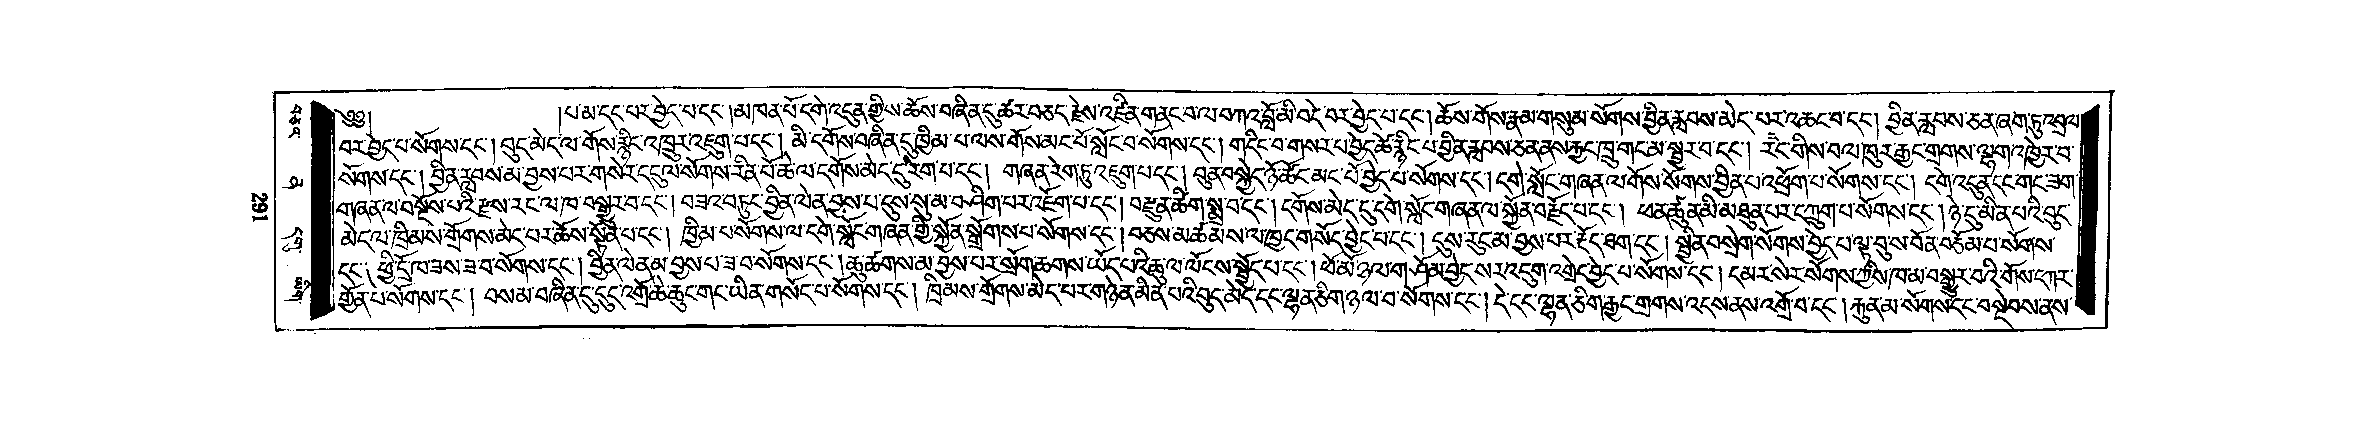༄༅། །པ་མ་དང་པར་བྱེད་པ་དང་། མཁན་པོ་དགེ་འདུན་གྱིས་ཆོས་བཞིན་དུ་ཚར་བཅད་རྗེས་འཛིན་གནང་བ་ལ་བཀའ་བློ་མི་བདེ་བར་བྱེད་པ་དང་། ཆོས་གོས་རྣམ་གསུམ་སོགས་བྱིན་རླབས་མེད་པར་འཆང་བ་དང་། བྱིན་རླབས་ཅན་ཞག་ཏུ་འབྲལ་
བར་བྱེད་པ་སོགས་དང་། བུད་མེད་ལ་གོས་རྙིང་འཁྲུར་འཇུག་པ་དང་། མི་དགོས་བཞིན་དུ་ཁྱིམ་པ་ལས་གོས་མང་པོ་སློང་བ་སོགས་དང་། གདིང་བ་གསར་པ་བྱེད་ཚེ་རྙིང་པ་བྱིན་རླབས་ཅན་ནས་རྐྱང་ཁྲུ་གང་མ་སྦྱར་བ་དང་། རིང་གིས་བལ་ཁུར་རྒྱང་གྲགས་ལྷག་འཁྱེར་བ་
སོགས་དང་། བྱིན་རླབས་མ་བྱས་པར་གསེར་དངུལ་སོགས་རིན་པོ་ཆེ་ལ་དགོས་མེད་དུ་རིག་པ་དང་། གཞན་རེག་ཏུ་འཇུག་པ་དང་། བུན་བསྐྱེད་ཉོ་ཚོང་མང་པོ་བྱེད་པ་སོགས་དང་། དགེ་སློང་གཞན་ལ་གོས་སོགས་བྱིན་པ་འཕྲོག་པ་སོགས་དང་། དགེ་འདུན་དང་གང་ཟག་
གཞན་ལ་བསྔོས་པའི་རྫས་རང་ལ་ཁ་བསྒྱུར་བ་དང་། བཟའ་བཏུང་བྱིན་ལེན་བྱས་པ་དུས་སུ་མ་བཤིག་པར་འཇོག་པ་དང་། བརྫུན་ཚིག་སྨྲ་བ་དང་། དགོས་མེད་དུ་དགེ་སློང་གཞན་ལ་སྐྱོན་བརྗོད་པ་དང་། ཕན་ཚུན་མི་མཐུན་པར་དཀྲུག་པ་སོགས་དང་། ཉེ་དུ་མིན་པའི་བུད་
མེད་ལ་ཁྲིམས་གྲོགས་མེད་པར་ཆོས་སྟོན་པ་དང་། ཁྱིམ་པ་སོགས་ལ་དགེ་སློང་གཞན་གྱི་སྐྱོན་སྒྲོགས་པ་སོགས་དང་། བཅས་མཚམས་ལ་ཁྱད་གསོད་བྱེད་པ་དང་། དུས་རུང་མ་བྱས་པར་རྡོད་ཐག་དང་། སྦྱིན་བསྲེག་སོགས་བྱེད་པ་ལྟ་བུ་ས་བོན་བཅོམ་པ་སོགས་
དང་། ཕྱི་དྲོ་ཁ་ཟས་ཟ་བ་སོགས་དང་། བྱིན་ལེན་མ་བྱས་པ་ཟ་བ་སོགས་དང་། ཆུ་ཚགས་མ་བྱས་པར་སྲོག་ཆགས་ཡོད་པའི་ཆུ་ལ་ལོངས་སྤྱོད་པ་དང་། ཕོ་མོ་ཉལ་གཤོམ་བྱེད་སར་འདུག་འགྲེང་བྱེད་པ་སོགས་དང་། དམར་སེར་སོགས་ཀྱིས་ཁ་མ་བསྒྱུར་བའི་གོས་དཀར་
གྱོན་པ་སོགས་དང་། བསམ་བཞིན་དུ་དུད་འགྲོ་ཆེ་ཆུང་གང་ཡིན་གསོད་པ་སོགས་དང་། ཁྲིམས་གྲོགས་མེད་པར་གཉེན་མིན་པའི་བུད་མེད་དང་ལྷན་ཅིག་ཉལ་བ་སོགས་དང་། དེ་དང་ལྷན་ཅིག་རྒྱང་གྲགས་འདས་ནས་འགྲོ་བ་དང་། རྐུན་མ་སོགས་དང་བསྡེབས་ནས་